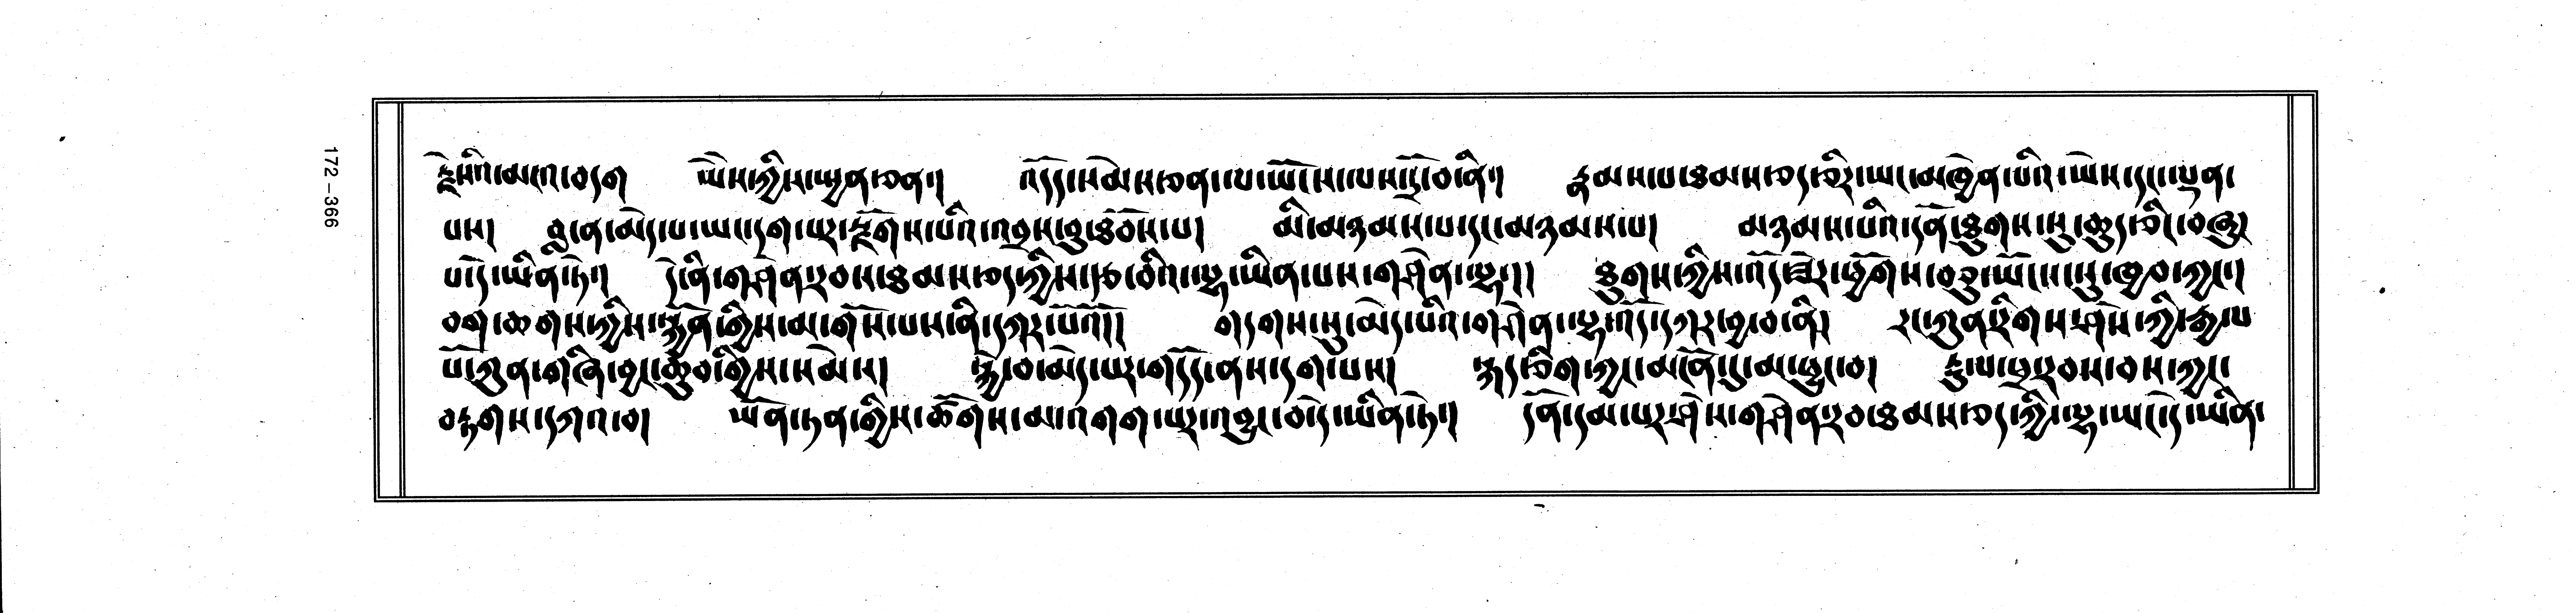རྗེའི་མངའ་བདག ཡེ་ཤེས་ཀྱིས་སྤྱན་ཅན། འདོད་སེམས་ཅན་ལ་ཡོངས་ལས་དྲོ་བ་ནི། རྣམ་པ་ཐམས་ཅད་ཅིར་ཡང་མཁྱེན་པའི་ཡེ་ཤེས་དང་ལྡན་
པས། བླ་ན་མེད་པ་ཡང་དག་པར་རྫོགས་པའི་འབྲས་བུ་ཐོབས་པ། མི་མཉམས་པ་དང་མཉམས་པ། མཉམས་པའི་དོན་ཐུགས་སུ་ཆུད་ཅིང་བཞུགས་
པ་དེ་ཡིན་ཏེ། དེ་ནི་གཤེན་རབ་ཐམས་ཅད་ཀྱིས་རྩ་བའི་ལྷ་ཡིན་པས་གཤེན་ལྷ། ཐུགས་ཀྱིས་འོད་ཟེར་ཕྱོགས་བཅུ་ཡོངས་སུ་ཁྱབ་ཀྱང་། 
བག་ཆགས་ཀྱིས་སྐྱོན་གྱིས་མ་གོས་པས་ནི་དཀར་པོའོ། གདགས་སུ་མེད་པའི་གཤེན་ལྷ་འོད་དཀར་བྱ་བ་ནི། རང་ཀུན་རིག་ཤེས་ཀྱི་རྒྱལ་
པོ་ཀུན་གཞི་བྱང་ཆུབ་གྱིས་སེམས། སྐྱེ་བ་མེད་པར་གདོད་ནས་དག་པས། སྐད་ཅིག་ཀྱང་མངོན་དུ་མ་ཕྱུང་བ། རྡུལ་ཕྲ་རབས་བས་ཀྱང་
བརྟགས་དཀའ་བ། ཡོན་ཏན་གྱིས་ཚོགས་མ་འགག་པར་འབྱུང་བ་དེ་ཡིན་ཏེ། དོན་དམ་པར་ཤེས་གཤེན་རབ་ཐམས་ཅད་ཀྱིས་ལྷ་ཡང་དེ་ཡིན་